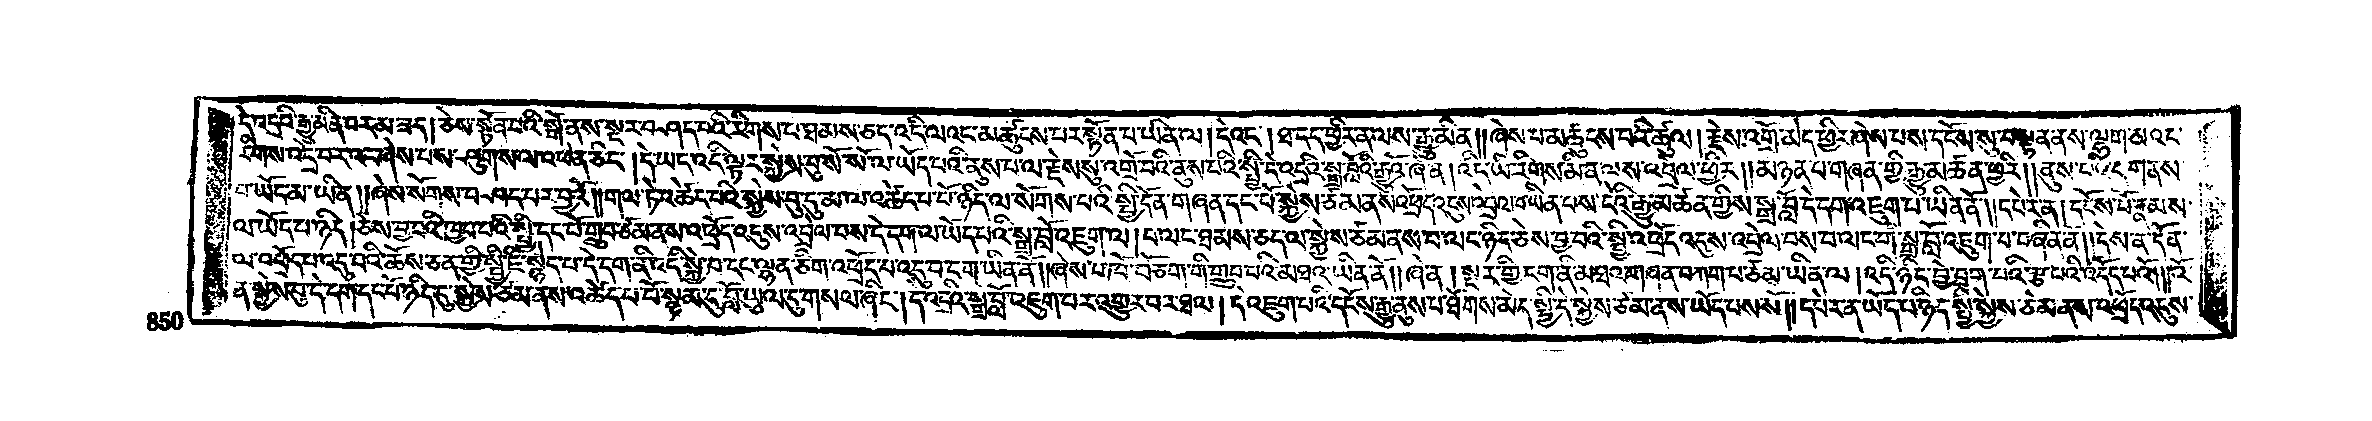དེ་འདྲའི་རྒྱུ་མིན་པར་མ་ཟད། ཅེས་སྟོན་པའི་སྒོ་ནས་སྔར་བཤད་པའི་རིགས་པ་ཐམས་ཅད་འདི་ལའང་མཚུངས་པར་སྟོན་པ་ཡིན་ལ། དེའང་། ཐ་དད་ཕྱིར་ན་ལས་རྒྱུ་མིན། །ཞེས་པ་མཚུངས་པའི་ཚུལ། རྗེས་འགྲོ་མེད་ཕྱིར་ཞེས་པས་དངོས་སུ་བསྟན་ནས་ལྷག་མའང་
རིགས་འདྲེ་བར་འང་ཞེས་པས་ཤུགས་ལ་འཕེན་ཅིང་། དེ་ཡང་འདི་ལྟར་སྐྱེས་བུ་སོ་སོ་ལ་ཡོད་པའི་ནུས་པ་ལ་རྗེས་སུ་འགྲོ་བའི་ནུས་པའི་སྤྱི་དེ་འདྲའི་སྒྲ་བློའི་རྒྱུའོ་ཞེ་ན། འདི་ཡི་རིགས་མིན་ལས་འབྲེལ་ཕྱིར། །མཉན་པ་གཞན་གྱི་རྒྱུ་མཚན་ཕྱིར། །ནུས་པའི་དག་ནས་
པ་ཡོད་མ་ཡིན། །ཞེས་སོགས་བཤད་པར་བྱའོ། །གལ་ཏེ་འཚེད་པའི་སྐྱེས་བུ་དུ་མ་ལ་འཚེད་པ་པོ་ཉིད་ལ་སོགས་པའི་སྤྱི་དོན་གཞན་དང་པོ་སྐྱེས་ཙམ་ནས་འཕྲོད་འདུས་འབྲེལ་བ་ཡིན་པས་དེའི་རྒྱུ་མཚན་གྱིས་སྒྲ་བློ་དེ་དག་འཇུག་པ་ཡིན་ནོ། །དཔེར་ན། དངོས་པོ་རྣམས་
ལ་ཡོད་པ་ཉིད། ཅེས་བྱ་བའི་ཁྱབ་པའི་སྤྱི་དང་པོ་གྲུབ་ཙམ་ནས་འཕྲོད་འདུས་འབྲེལ་བས་དེ་དག་ལ་ཡོད་པའི་སྒྲ་བློ་འཇུག་ལ། བ་ལང་ཐམས་ཅད་ལ་སྐྱེས་ཙམ་ནས་བ་ལང་ཉིད་ཅེས་བྱ་བའི་སྤྱི་འཕྲོད་འདུས་འབྲེལ་བས་བ་ལང་གི་སྒྲ་བློ་འཇུག་པ་བཞིན་ནོ། །དེས་ན་དོན་
ལ་འཕྲོད་པ་འདུ་བའི་ཆོས་ཅན་གྱི་སྤྱི་ཇི་སྙེད་པ་དེ་དག་ནི་འདི་སྐྱེ་བ་དང་ལྷན་ཅིག་འཕྲོད་པ་འདུ་བ་དག་ཡིན་ནོ། །ཞེས་པ་ཁོ་བོ་ཅག་གི་གྲུབ་པའི་མཐའ་ཡིན་ནོ། །ཞེ་ན། སྔར་གྱི་ངག་ནི་མཐའ་གཞན་བཀག་པ་ཙམ་ཡིན་ལ། འདི་ཉིད་བྱེ་བྲག་པའི་རྩ་བའི་འདོད་པའོ། །འོ་
ན་སྐྱེས་བུ་དེ་དག་དང་པོ་ཉིད་དུ་སྐྱེས་ཙམ་ནས་འཚེད་པ་པོ་སྙམ་དུ་བློ་ཡུལ་དུ་གསལ་ཞིང་། དེ་འདྲའི་སྒྲ་བློ་འཇུག་པར་འགྱུར་བར་ཐལ། དེ་འཇུག་པའི་དངོས་རྒྱུ་ནུས་པ་ཐོགས་མེད་སྤྱི་དེ་སྐྱེས་ཙམ་ནས་ཡོད་པས་སོ། །དཔེར་ན་ཡོད་པ་ཉིད་སྤྱི་སྐྱེས་ཙམ་ནས་འཕྲོད་འདུས་